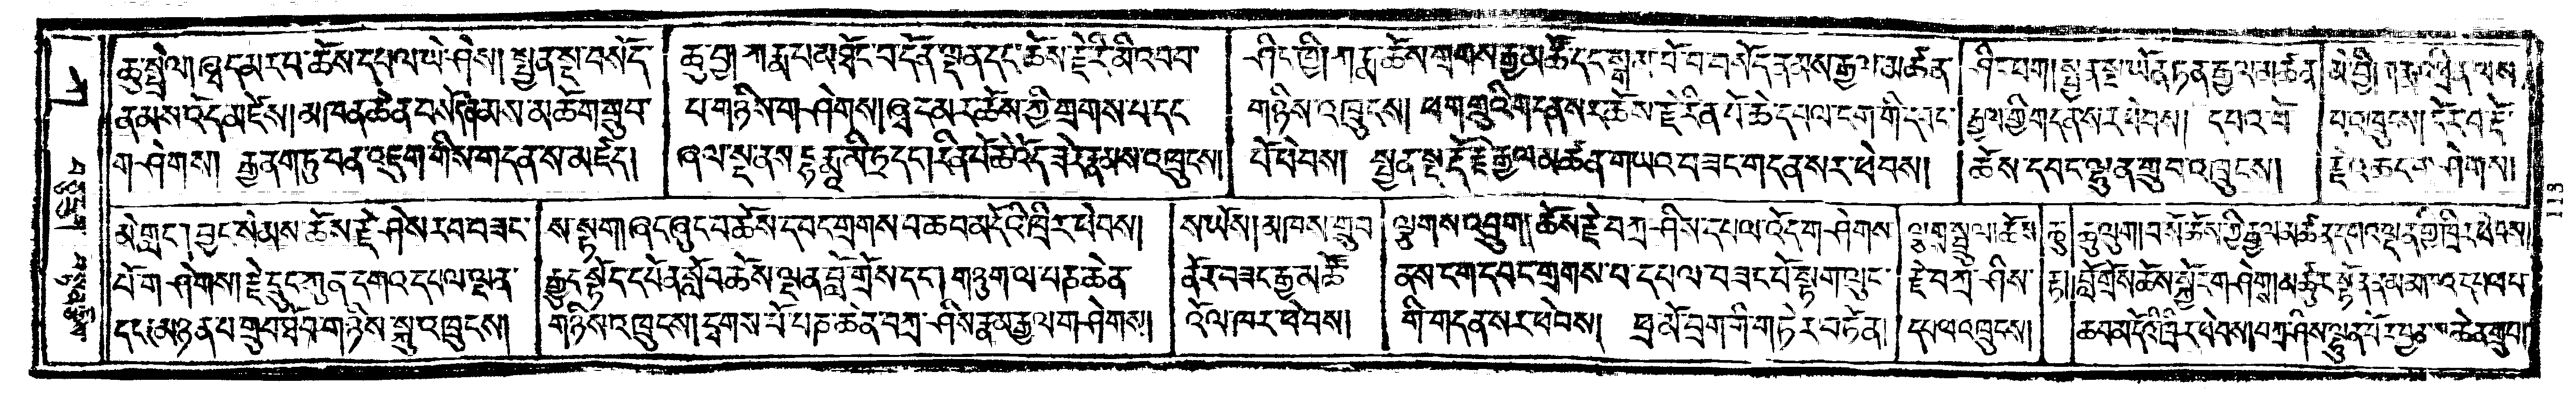ཆུ་སྤྲེལ། ཞྭ་དམར་པ་ཆོས་དཔལ་ཡེ་ཤེས། སྤྱན་སྔ་བསོད་ཆུ་བྱ། ཀརྨ་པ་མཐོང་བ་དོན་ལྡན་དང་ཆོས་རྗེ་རི་མི་འབབ་ཤིང་ཁྱི། ཀརྨ་ཆོས་གྲགས་རྒྱ་མཚོ་དང་སྒམ་པོ་བ་བསོད་ནམས་རྒྱལ་མཚན་ཤིང་བག །སྤྱན་སྔ་ཡོན་ཏན་རྒྱལ་མཚན་མེ་བྱི། རྨ?་འཕྲིན་ལས་
ནམས་འོད་མཛེས། མཁན་ཆེན་བསོད་ནམས་མཆོག་གྲུབ་པ་གཉིས་གཤེགས། ཞྭ་དམར་ཆོས་ཀྱི་གྲགས་པ་དང་གཉིས་འཁྲུངས། ཕག་གྲུའི་གདན་སར་ཆོས་རྗེ་རིན་པོ་ཆེ་དཔལ་ངག་གི་དབང་རྒྱལ་གྱི་གདན་སར་ཕེབས། དཔའ་བོ་པ་འཁྲུངས་དོར་བ་རྡོ་
གཤེགས། རྒྱ་ནག་ཏུ་བན་འཇུག་གིས་གདན་ས་མཛད། ཞལ་སྔ་ནས་དྷ་རྨཱ་མི་ཏྲ་དང་། རིན་པོ་ཆེ་འོད་ཟེར་རྣམས་འཁྲུངས། པོ་ཕེབས། སྤྱན་སྔ་རྡོ་རྗེ་རྒྱལ་མཚན་གཡའ་བཟང་གདན་སར་ཕེབས། །ཆོས་དབང་ལྷུན་གྲུབ་འཁྲུངས། རྗེ་འཆང་གཤེགས།
མེ་གླང་། བྱང་སེམས་ཆོས་རྗེ་ཤེས་རབ་བཟང་ས་སྟག །ཞང་ཞུང་པ་ཆོས་དབང་གྲགས་བ་ཆབ་མདོའི་ཁྲིར་ཕེབས། ས་ཡོས། མཁས་གྲུབ་ལྕགས་འབྲུག །ཆོས་རྗེ་བཀྲ་ཤིས་དཔལ་འོད་གཤེགས་ལྕག་སྦྲུལ། ཆོས་ཆུ་ཆུ་ལུག །བསོ་ཆོས་ཀྱི་རྒྱལ་མཚན་དགའ་ལྡན་གྱི་ཁྲིར་ཕེབས།
པོ་གཤེགས། རྗེ་དྲུང་ཀུན་དགའ་དཔལ་ལྡན། རྒྱུད་སྟོད་དཔོན་སློབ་ཆོས་ལྡན་བློ་གྲོས་དང་། གཉུག་ལ་པཎ་ཆེན་ནོར་བཟང་རྒྱ་མཚོ་ནས་ངག་དབང་གྲགས་པ་དཔལ་བཟང་པོ་སྟག་ལུང་རྗེ་བཀྲ་ཤིས་རྟ། བློ་གྲོས་ཆོས་སྐྱོང་གཤེགས། མཚུར་སྟོན་ནམ་མཁའ་དཔལ་པ་དང་། མཉམ་པ་གྲུབ་ཐོབ་པ་གཉི་སྐུ་འཁྲུངས། གཉིས་འཁྲུངས། དྭགས་པོ་པཎ་ཆེན་བཀྲ་ཤིས་རྣམ་རྒྱལ་གཤེགས། འོལ་ཁར་ཕེབས། གི་གདན་སར་ཕེབས། ཕྲ་མོ་བྲག་གི་གཏེར་བཏོན། དཔལ་འཁྲུངས། ཆབ་མདོའི་ཁྲིར་ཕེབས། བཀྲ་ཤིས་ལྷུན་པོར་བྱ་ཅས?་ཆེན་གྲུབ།